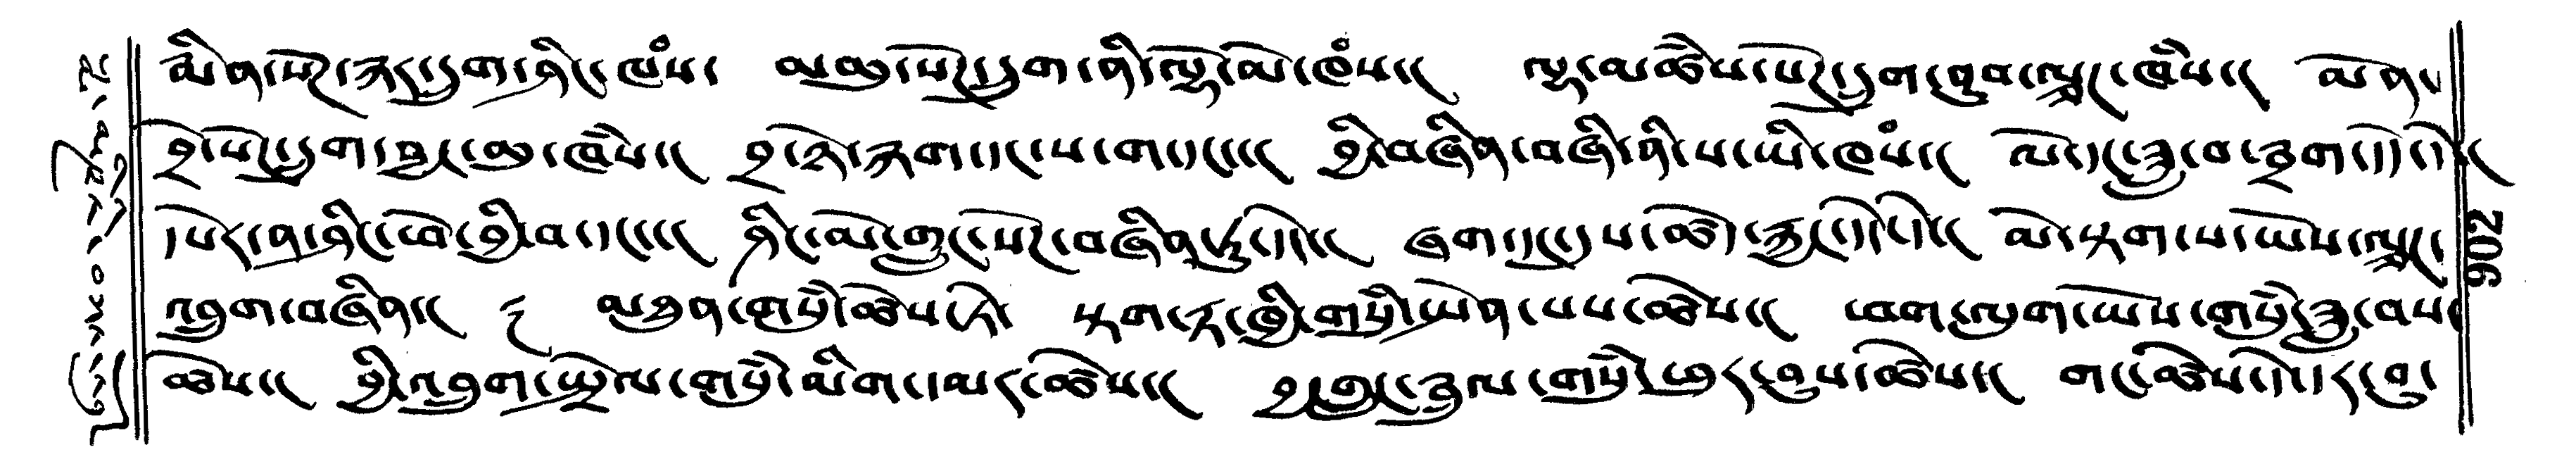།སྨིན་སོགས་སྐར་དྲུག་ཤར་ཤིང་ཁམས། །མཆུ་སོགས་དྲུག་ནི་ལྷོ་མེ་ཁམས། །ལྷ་མཚམས་སོགས་དྲུག་ནུབ་ལྕགས་ཁམས། །མོན་
བྲེ་སོགས་དྲུག་བྱང་ཆུ་ཁམས། །བྲ་ཉེ་སྐག་དང་ས་ག་དང་། །བྱི་བཞིན་བཞི་ནི་ས་ཡི་ཁམས། །ལོ་དང་ཟླ་བ་སྦྲགས་དེད་དེ། །
དཔེར་ན་ཤིང་ཕོ་བྱི་བ་དང་། །ཤིང་མོ་གླང་སོགས་བཞིན་ཏུ་དེད། །ཞག་དང་དུས་ཚོད་རྐྱང་དེད་དེ། །མེ་སྟག་ས་ཡོས་ལྕགས་
འབྲུག་བཞིན། ༈ མཐུན་གསུམ་ཚེས་ཏེ། སྟག་རྟ་ཁྱི་གསུམ་སྤེན་པས་ཚེས། །ཕག་ལུག་ཡོས་གསུམ་ཟླ་བས་
ཚེས། །བྱི་འབྲུག་སྤྲེལ་གསུམ་མིག་དམར་ཚེས། །བྱ་གླང་སྦྲུལ་གསུམ་ཕུར་བུས་ཚེས། གང་ཚེས་དེ་དར་བུ་